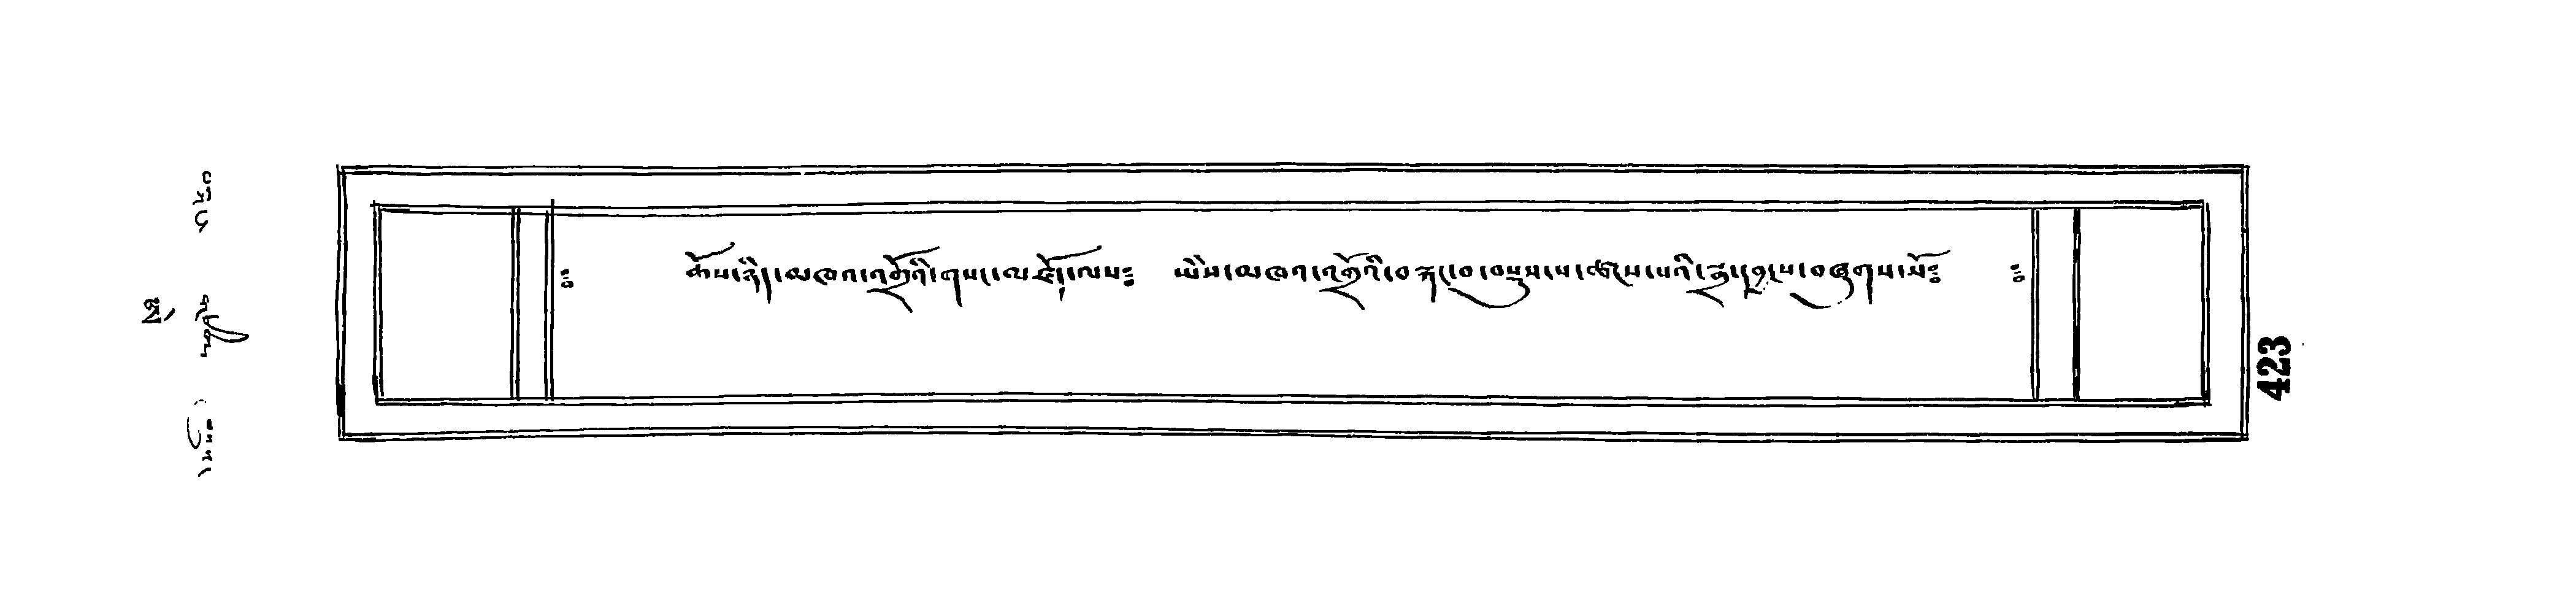ཆོས་ཉིད་མཁའ་འགྲོའི་གསང་མཛོད་ལས༔ ཡེ་ཤེས་མཁའ་འགྲོའི་བསྐང་བ་བསྡུས་པ་ཚངས་པའི་སྒྲ་དབྱངས་བཞུགས་སོ༔